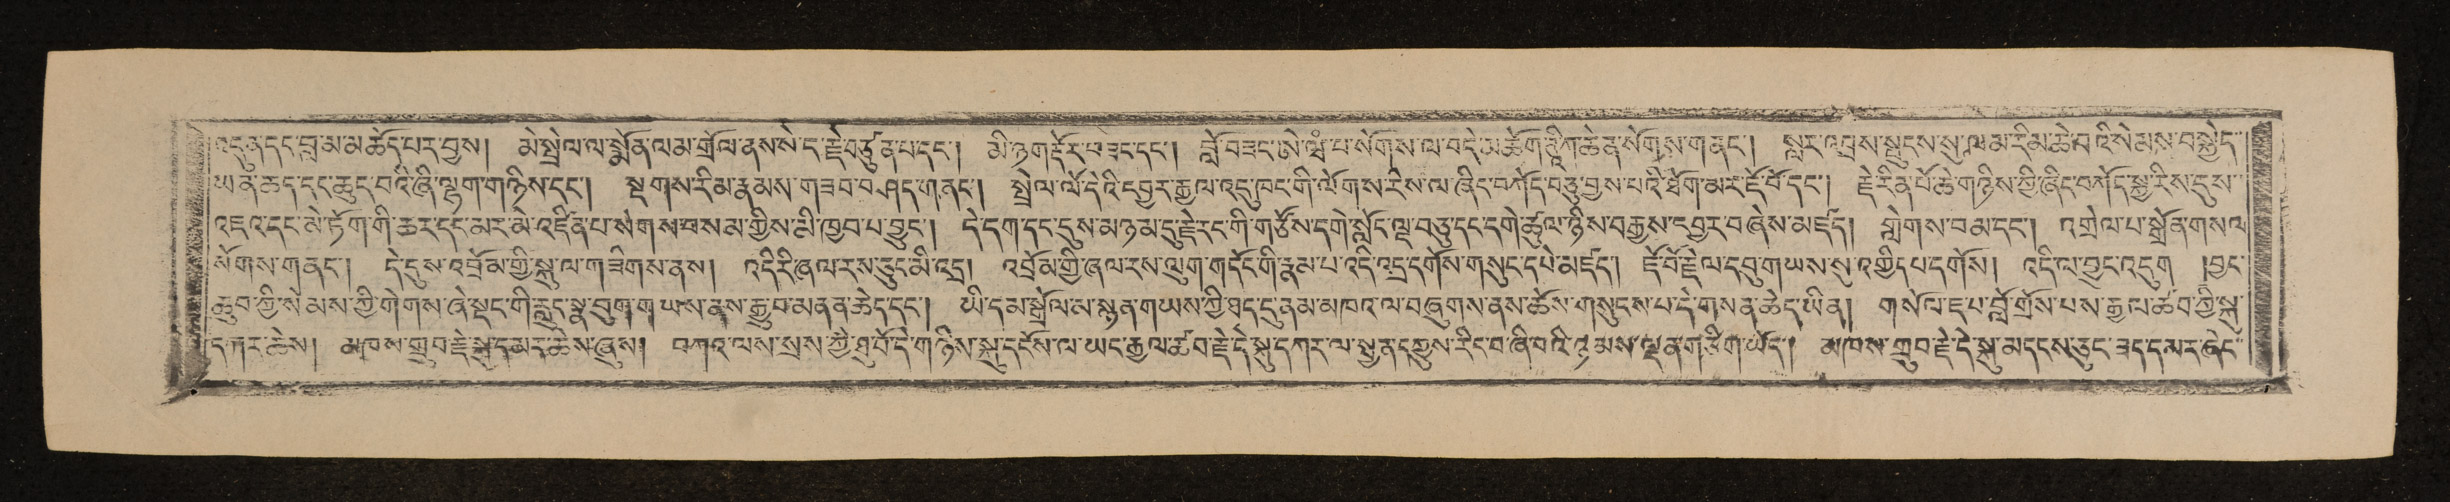འདུན་དང་བླ་མ་མཆོད་པར་བྱས། མེ་སྤྲེལ་ལ་སྨོན་ལམ་གྲོལ་ནས་སེ་ར་རྗེ་བཙུན་པ་དང་། མི་ཉག་རྡོར་བཟང་དང་། བློ་བཟང་ཨེ་ཝཾ་པ་སོགས་ལ་བདེ་མཆོག་ཊཱིཀ་ཆེན་སོགས་གནང་། སླར་འབྲས་སྤུངས་སུ་ལམ་རིམ་ཆེ་བའི་སེམས་བསྐྱེད་
ཡན་ཆད་དང་ཆུང་བའི་ཞི་ལྷག་གཉིས་དང་། སྔགས་རིམ་རྣམས་གཟབ་བཤད་གནང་། སྤྲེལ་ལོ་དེའི་དབྱར་རྒྱལ་འདུ་ཁང་གི་ལོགས་རིས་ལ་ཞིང་བཀོད་བཅུ་བྱས་པའི་ཐོག་མར་ཇོ་བོ་དང་། རྗེ་རིན་པོ་ཆེ་གཉིས་ཀྱི་ཞིང་བཀོད་སྐྱ་རིས་དུས་
འཇའ་དང་མེ་ཏོག་གི་ཆར་དང་མར་མེ་འཛིན་པ་སོགས་བསམ་གྱིས་མི་ཁྱབ་པ་བྱུང་། དེ་དག་དང་དུས་མཉམ་དུ་རྗེ་རང་གི་གཙོས་དགེ་སློང་ལྔ་བཅུ་དང་དགེ་ཚུལ་ཉིས་བརྒྱས་དབྱར་བཞེས་མཛད། གླེགས་བམ་དང་། འགྲེལ་པ་སྒྲོན་གསལ་
སོགས་གནང་། དེ་དུས་འབྲོམ་གྱི་སྐུ་ལ་གཟིགས་ནས། འདིའི་ཞལ་རས་ཅུང་མི་འདྲ། འབྲོམ་གྱི་ཞལ་རས་ལུག་གདོང་གི་རྣམ་པ་འདི་འདྲ་དགོས་གསུང་དཔེ་མཛད། ཇོ་བོ་རྗེ་ལ་དབུ་གཡས་སུ་འགྱིད་པ་དགོས། འདི་ལ་བྱུང་འདུག །བྱང་
ཆུབ་ཀྱི་སེམས་ཀྱི་གེགས་ཞེ་སྡང་གི་རླུང་སྣ་བུག་གཡས་ནས་རྒྱུ་བ་མནན་ཆེད་དང་། ཡི་དམ་སྒྲོལ་མ་སྙན་གཡས་ཀྱི་ཐད་དུ་ནམ་མཁའ་ལ་བཞུགས་ནས་ཆོས་གསུངས་པ་དེ་གསན་ཆེད་ཡིན། གསོལ་ཇ་པ་བློ་གྲོས་པས་རྒྱལ་ཚབ་ཀྱི་སྐུ་
དཀར་ཆེས། མཁས་གྲུབ་རྗེ་སྐུ་དམར་ཆེས་ཞུས། བཀའ་ལས་སྲས་ཀྱི་ཐུ་བོ་དེ་གཉིས་སྐུ་དངོས་ལ་ཡང་རྒྱལ་ཚབ་རྗེ་དེ་སྐུ་དཀར་ལ་སྤྱན་དཀྱུས་རིང་བཞི་བའི་ཉམས་ལྡན་གཅིག་ཡོད། མཁས་གྲུབ་རྗེ་དེ་སྐུ་མདངས་ཅུང་ཟད་དམར་ཞིང་